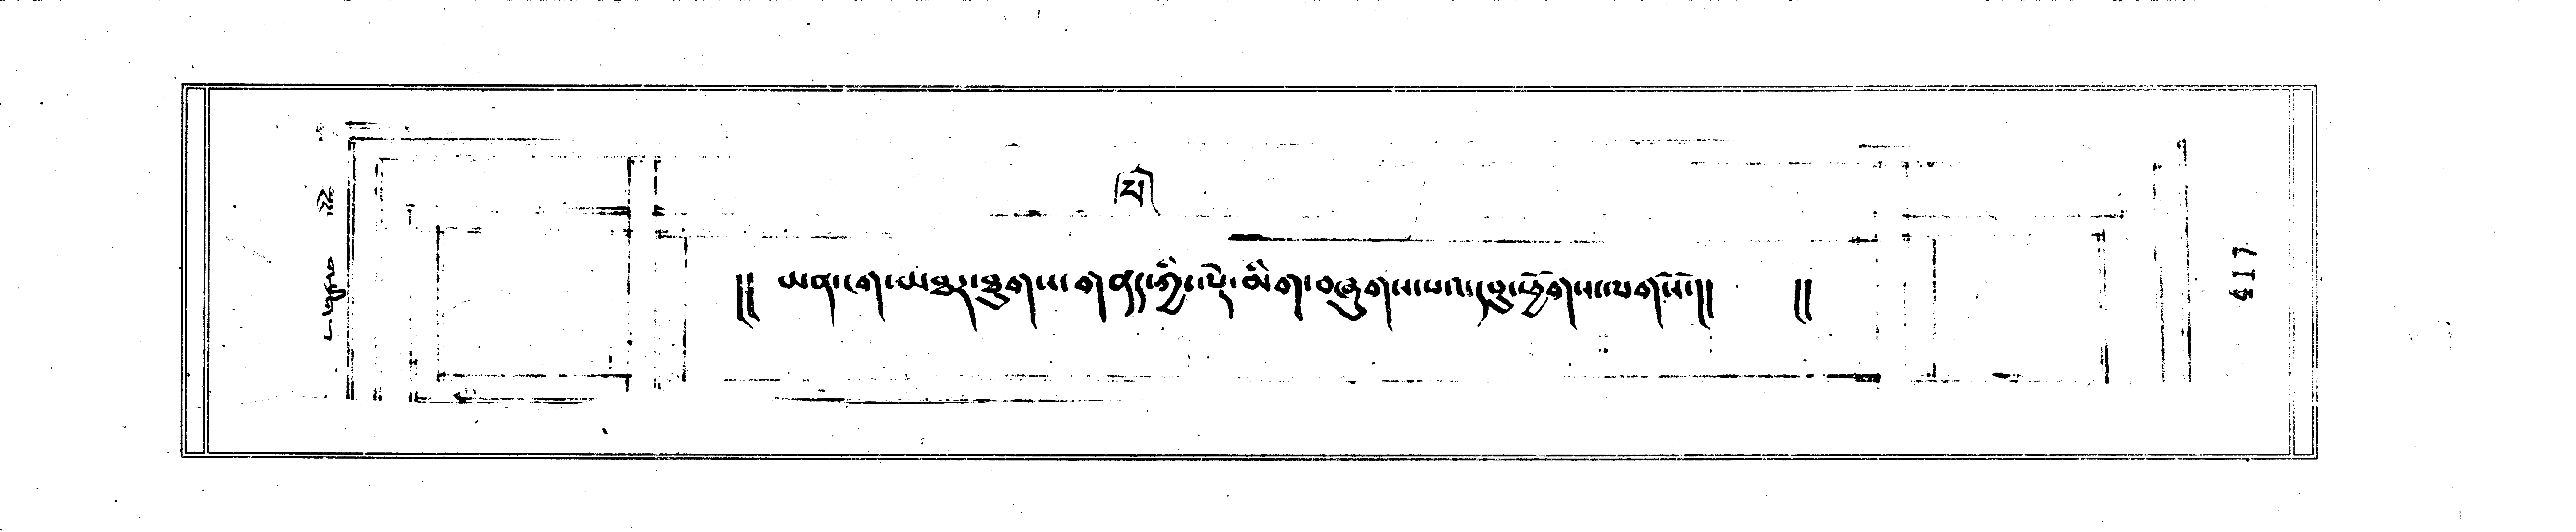།། མན་ངག་མཐར་ཐུགས་གནད་ཀྱི་ལྡེ་མིག་བཞུགས་པའི་དབུ་ཕྱོགས་ལགས་སོ།།